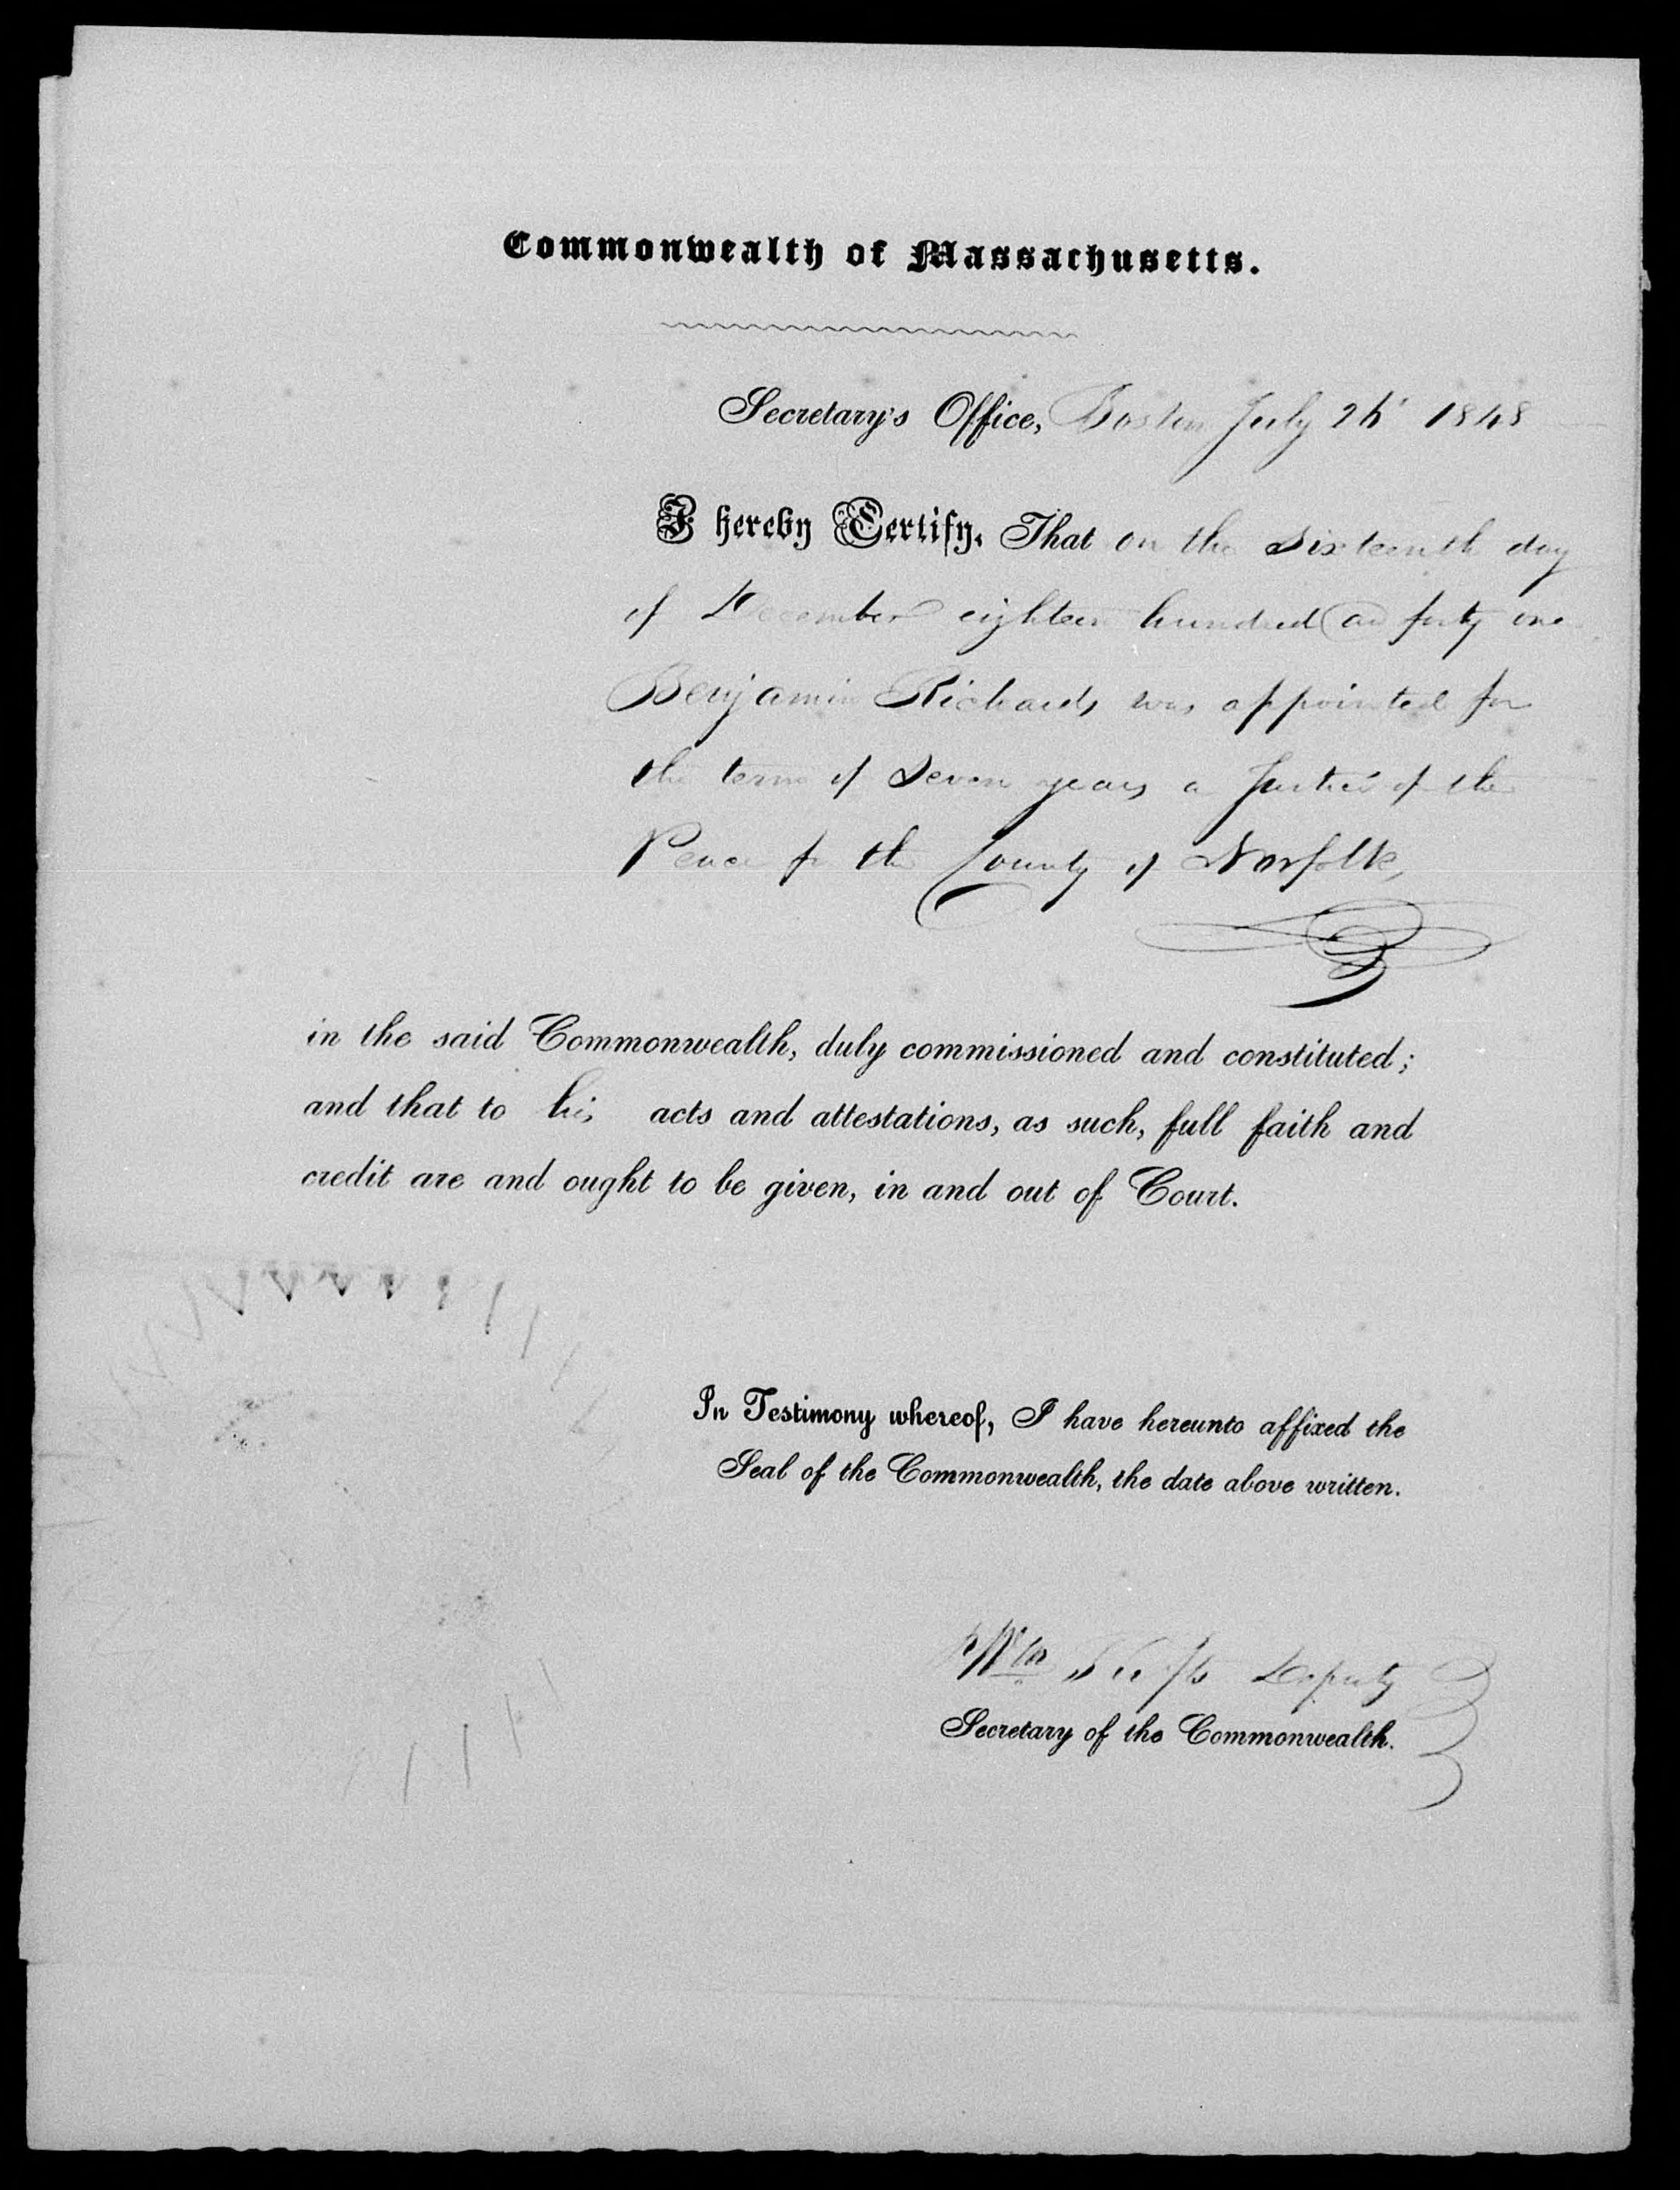Commonwealth of Massachusetts.
Secretary's office, Boston July 26 1848

I hereby Certify, That on the sixteenth day 
of December eighteen hundred and forty one
Benjamin Richards was appointed for 
the term of seven years a Justice of the 
Peace for the County of Norfolk

in the said Commonwealth, duly commissioned and constituted;
and that to his acts and attestations, as such, full faith and
credit are and ought to be given, in and out of Court.

In Testimony whereof, I have hereunto affixed the 
Seal of the Commonwealth, the date above written.

[Seal]

Wm Shefts Deputy
Secretary of the Commonwealth.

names: Wm Shefts, Benjamin Richards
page: 37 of 38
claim: widow's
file: W. 24,235, Silvanus French, Mass.